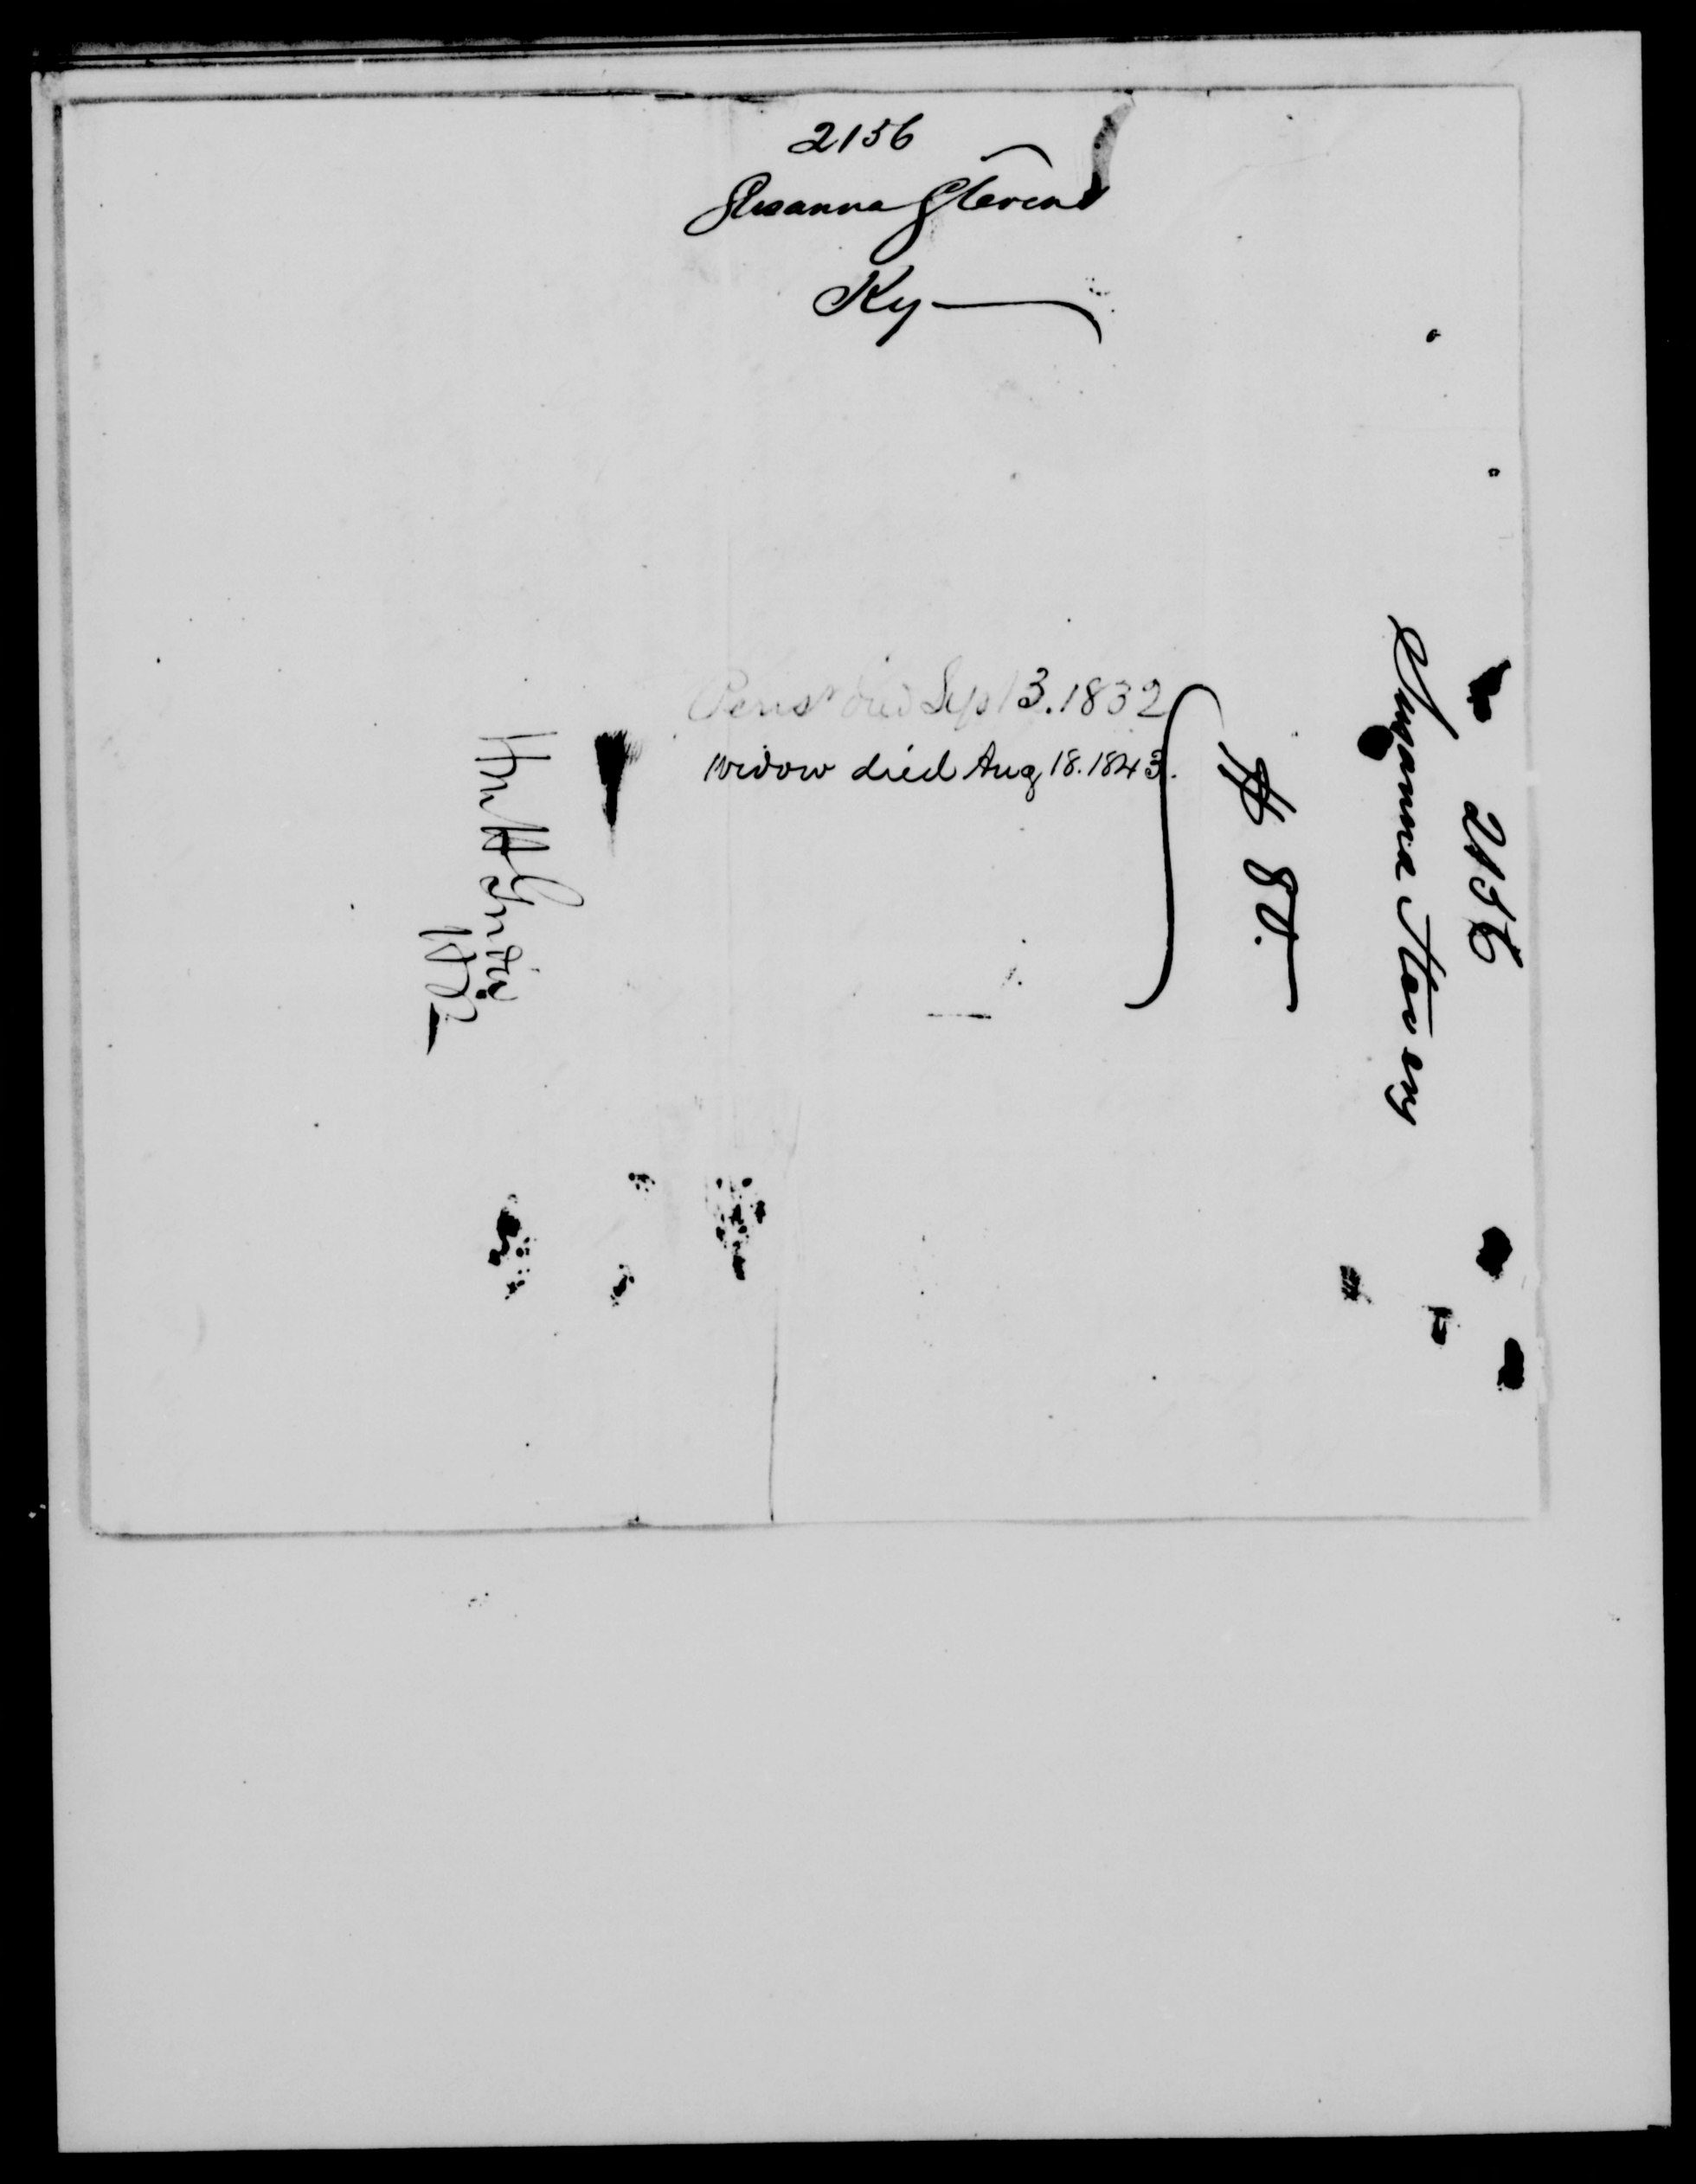2156
Susanna Stevens
Ky
Pensr died Sept 3 1832
widow died Aug 18. 1843

[writing facing another way]
2156 Susanna Stevens
Hon H Gndia
HR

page: 87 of 99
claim: widow's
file: W 8766, for James Stevens, Virginia